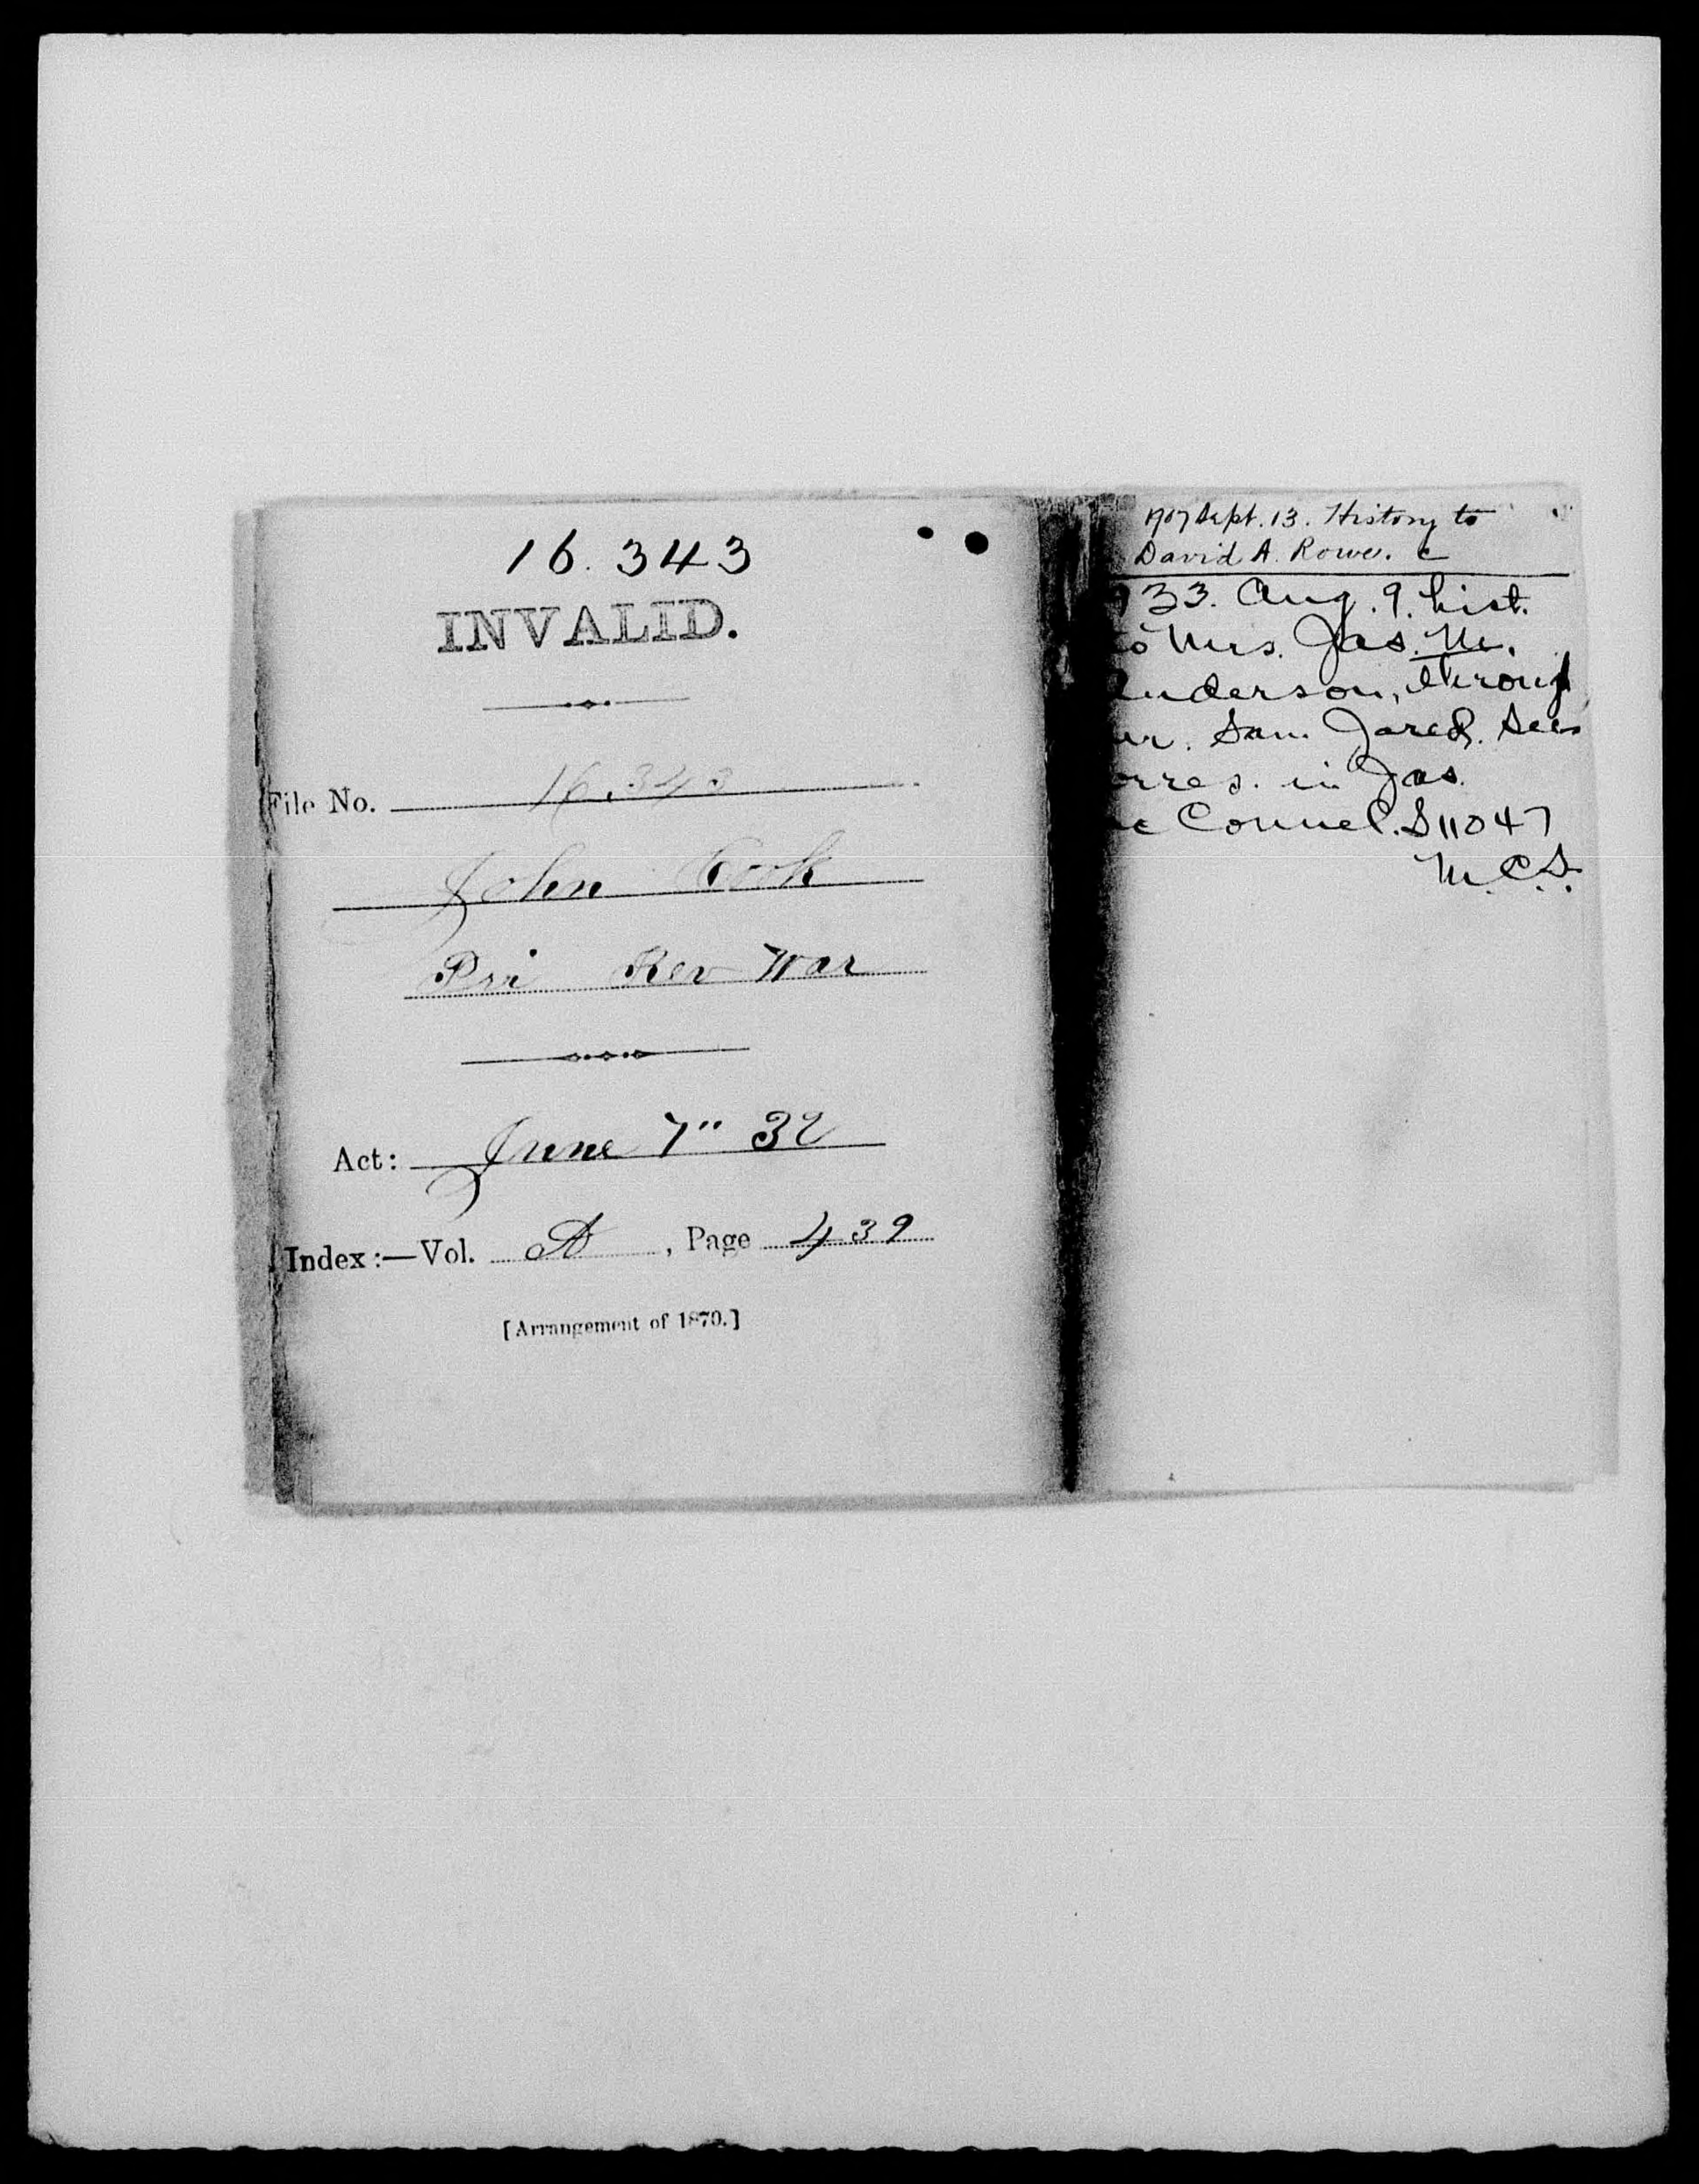16.343
INVALID.
File No. 16343
John Cook
Pri Rev War
---
---
June 7 "32
Index: --Vol. A, Page 439
Arrangement of 1870.}
1917 Sept. 13. History to
David A. Rowe c
1933. Aug. 9. Hist.
to Mrs. Jas. M.
Anderson, through
or Sam Jared. See
┃ (illegible) in Jas
Connel S11047
M.C.S.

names: David A Rowe, Sam Jared, Jas Mc Connel, John Cook, Jas M Anderson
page: 14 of 18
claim: survivor's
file: S. 16,343, John Cook, N.C.